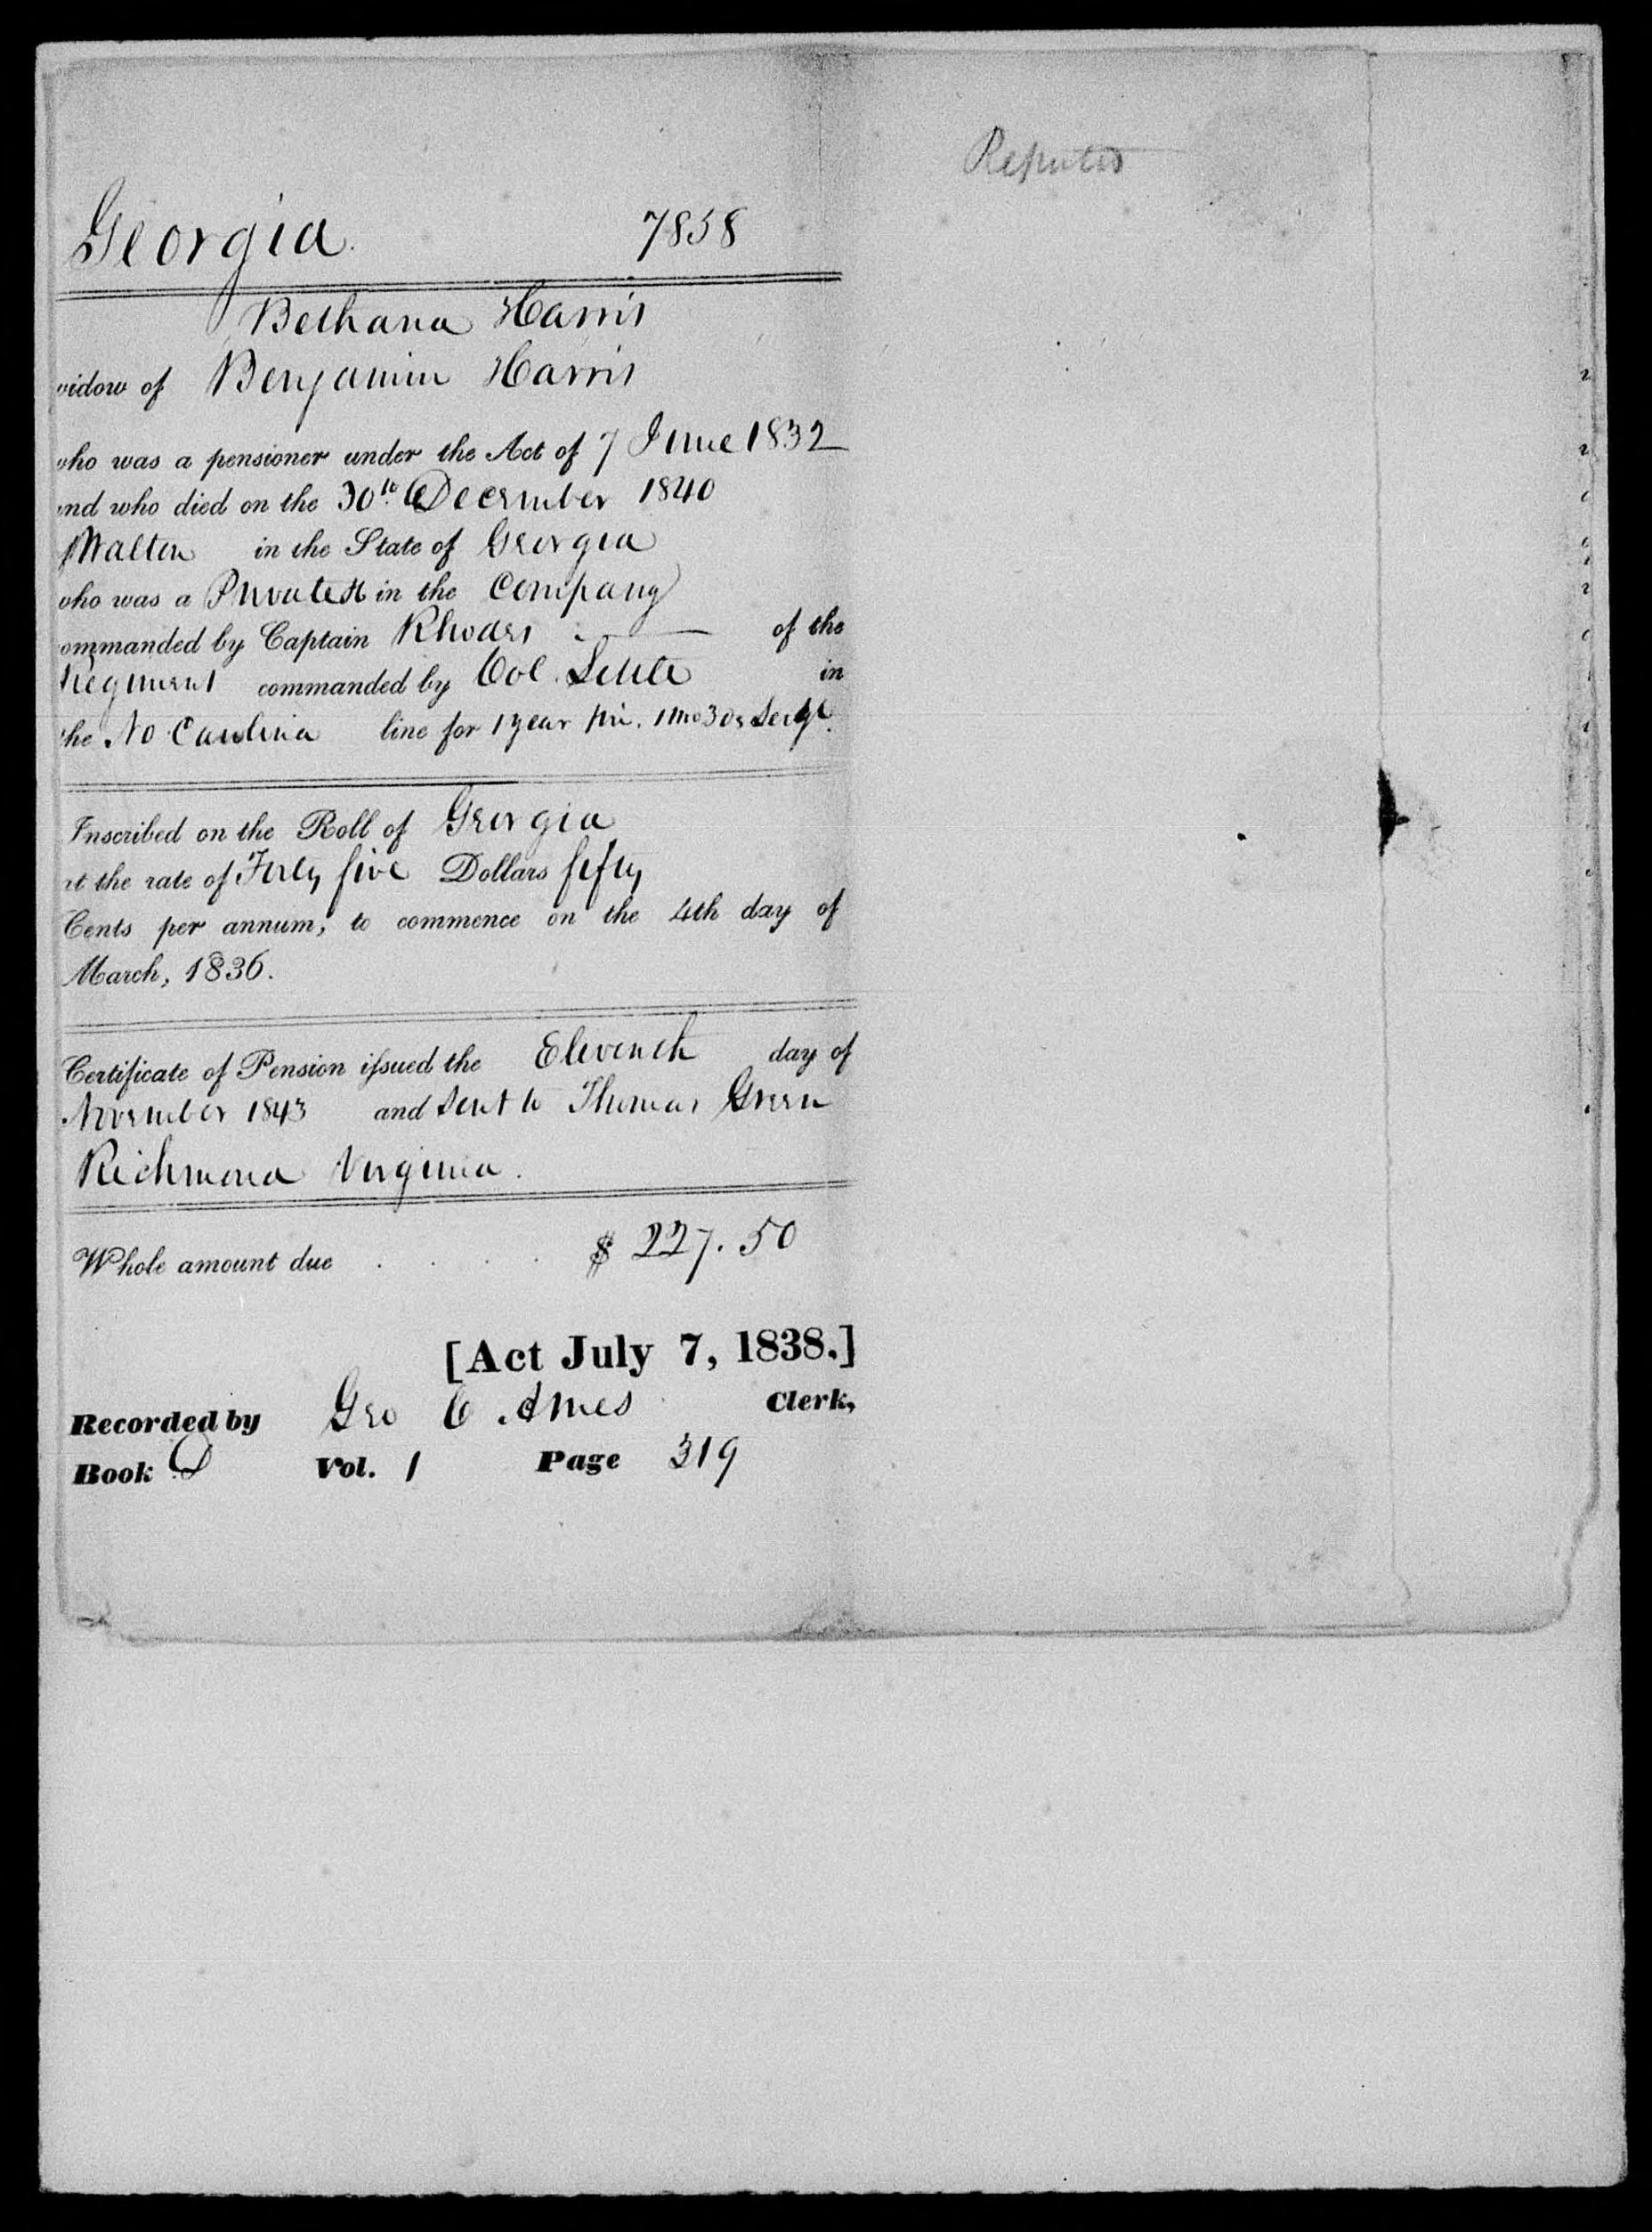Georgia 7858  Reported
Bethana Harris widow of Benjamin Harris who was a pensioner under the Act of 7 June 1832 and who died on the 30th December 1840 Walton in the State of Georgia who was a Private in the company commanded by Captain Rhodes of the Regiment commanded by Col. Little of the the No Carolina line for 1 year 30 Pri 1 mo 3 days Sergt

Inscribed on the Roll of Georgia at the rate of Forty five Dollars fifty Cents per annum, to commence on the 4th day March, 1836. 

Certificate of Pension issued the Eleventh day of November 1843 and sent to Thomas Green Richmond Virginia 
Whole amount due $227.50 
(Act July 7, 1838.}

Recorded by  Geo C Ames Clerk, 
Book D Vol. Page 319 Vol.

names: Benjamin Harris, Thomas Green, Bethana Harris, Geo C Ames, Little, Rhodes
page: 29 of 62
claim: survivor's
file: S. 38816, Benjamin Harris, Mass.